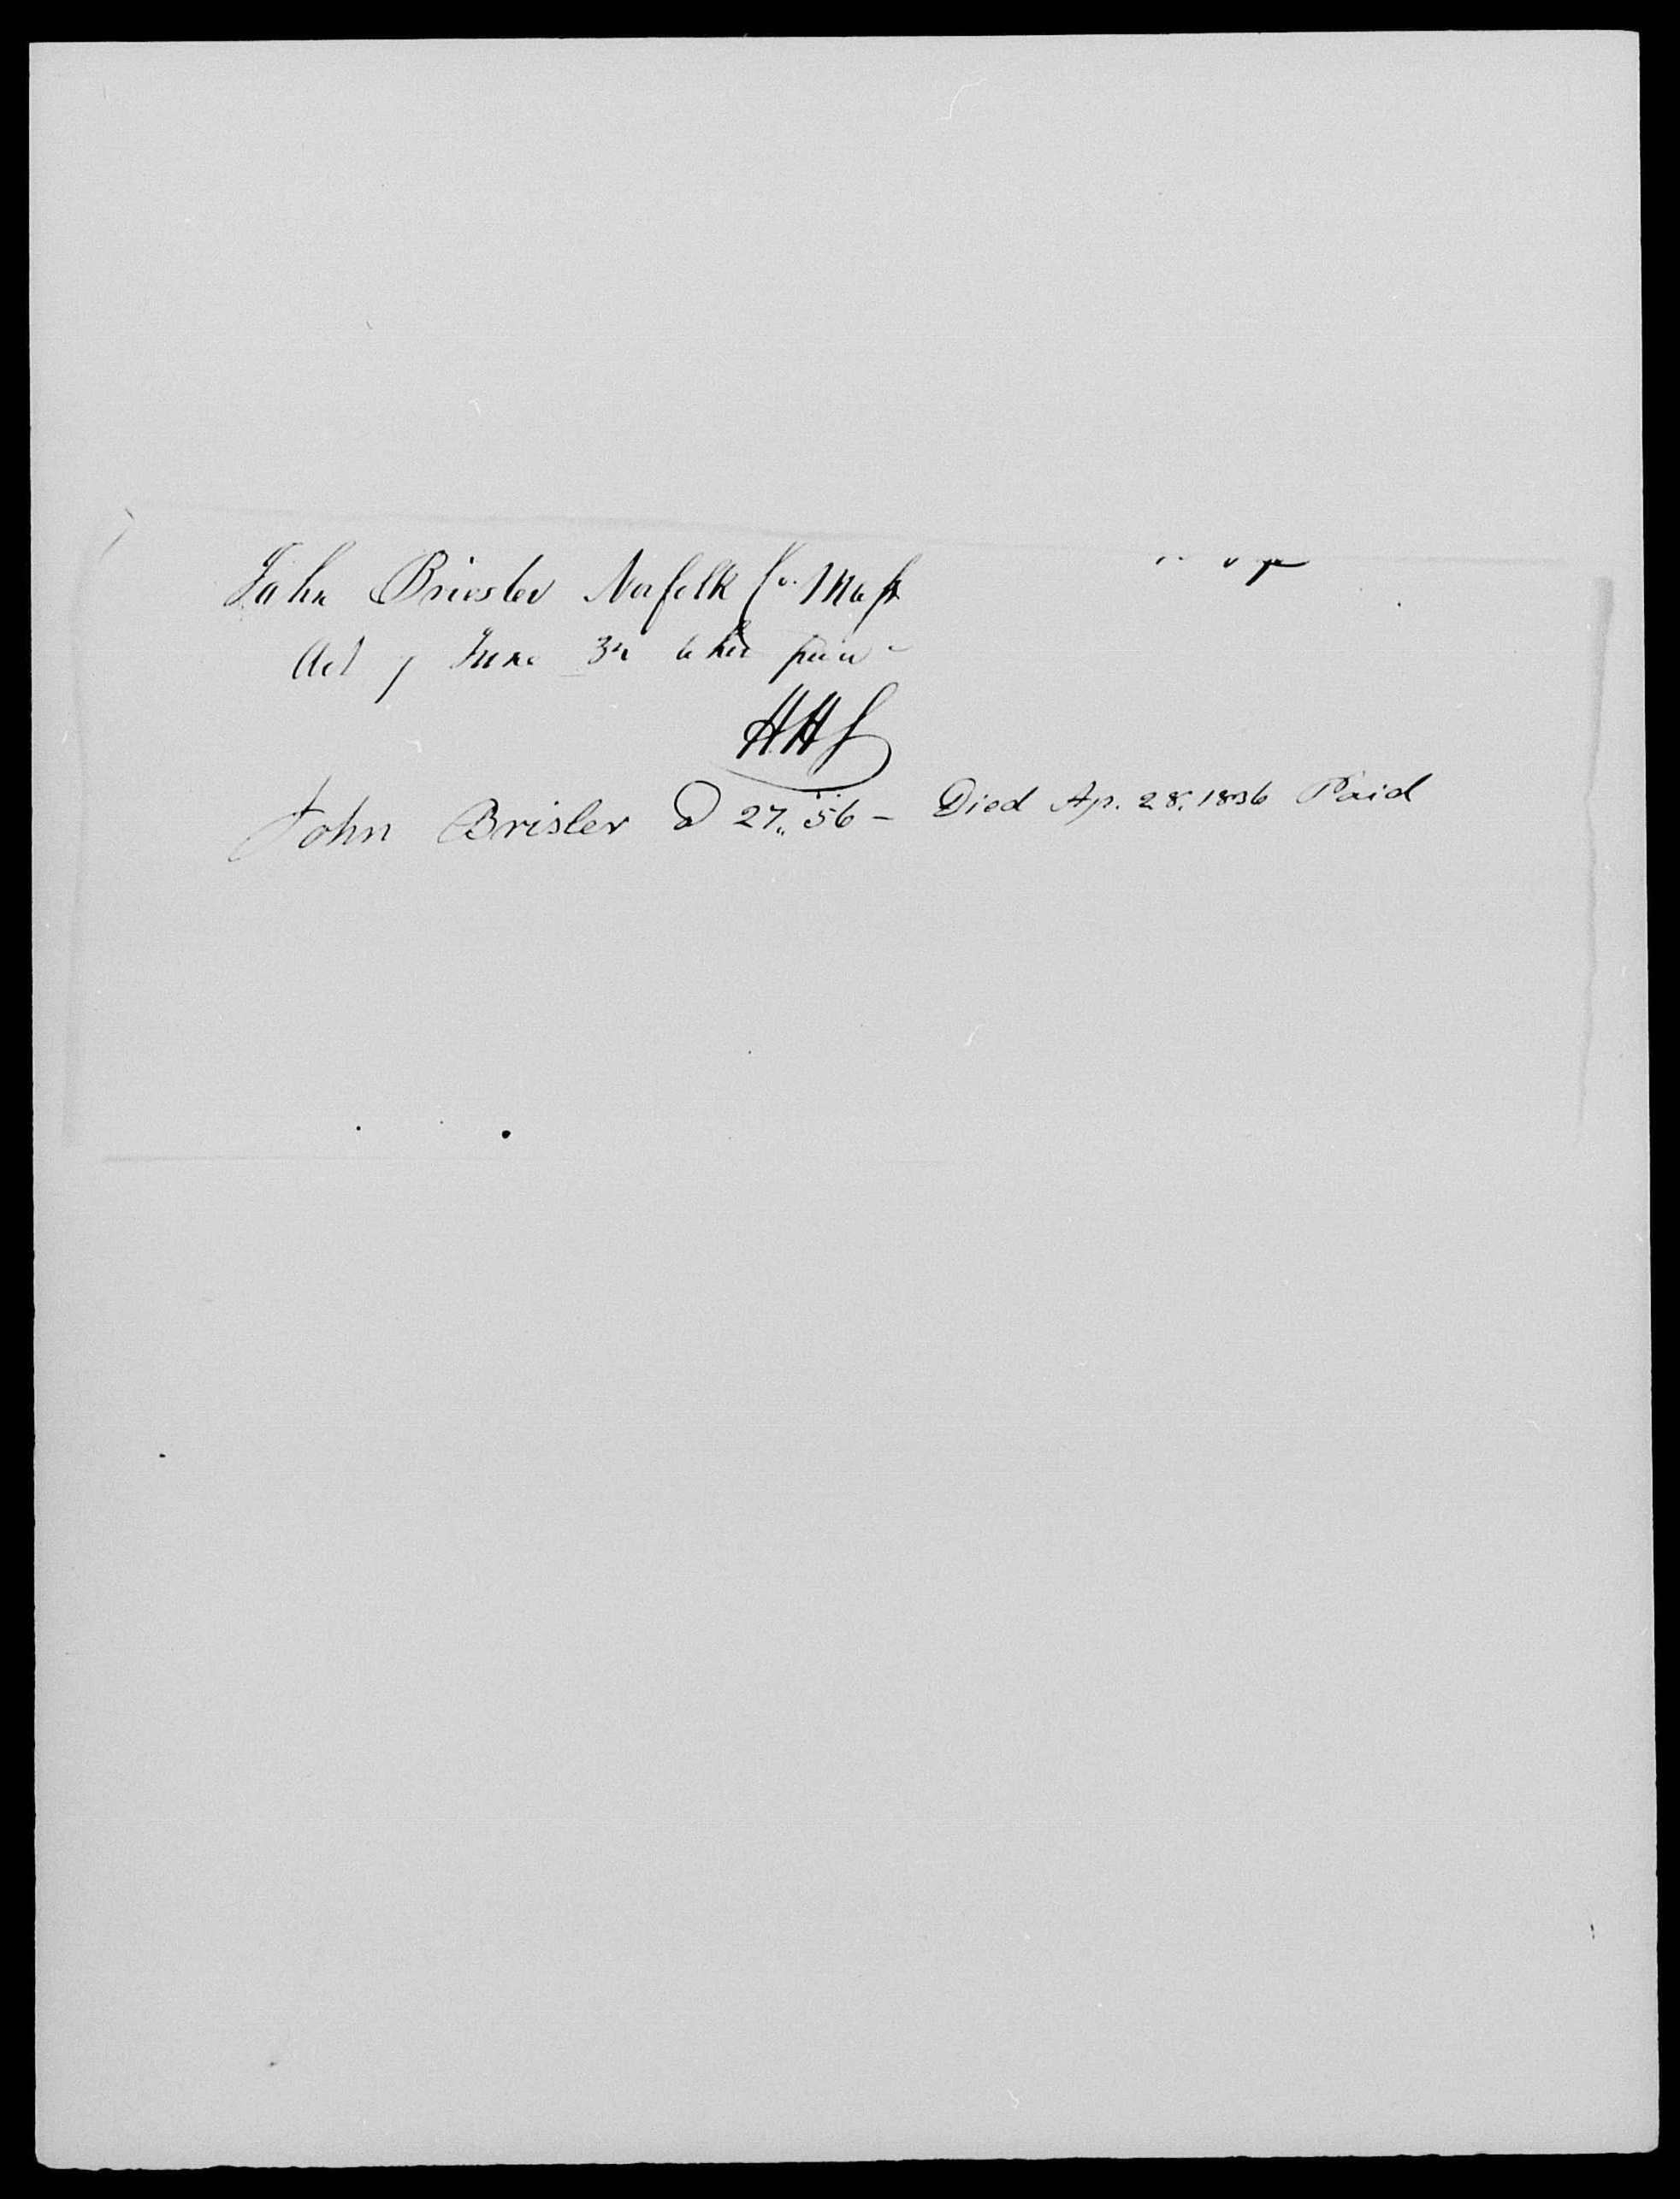John Brisler Norfolk Mass 
Act of June 3rd [illegible] HHL
John Brisler  27.56 Died Apr 28, 1836 Paid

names: John Brisler, John Briesler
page: 17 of 46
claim: widow's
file: W. 23,673, John Brisler, Mass.